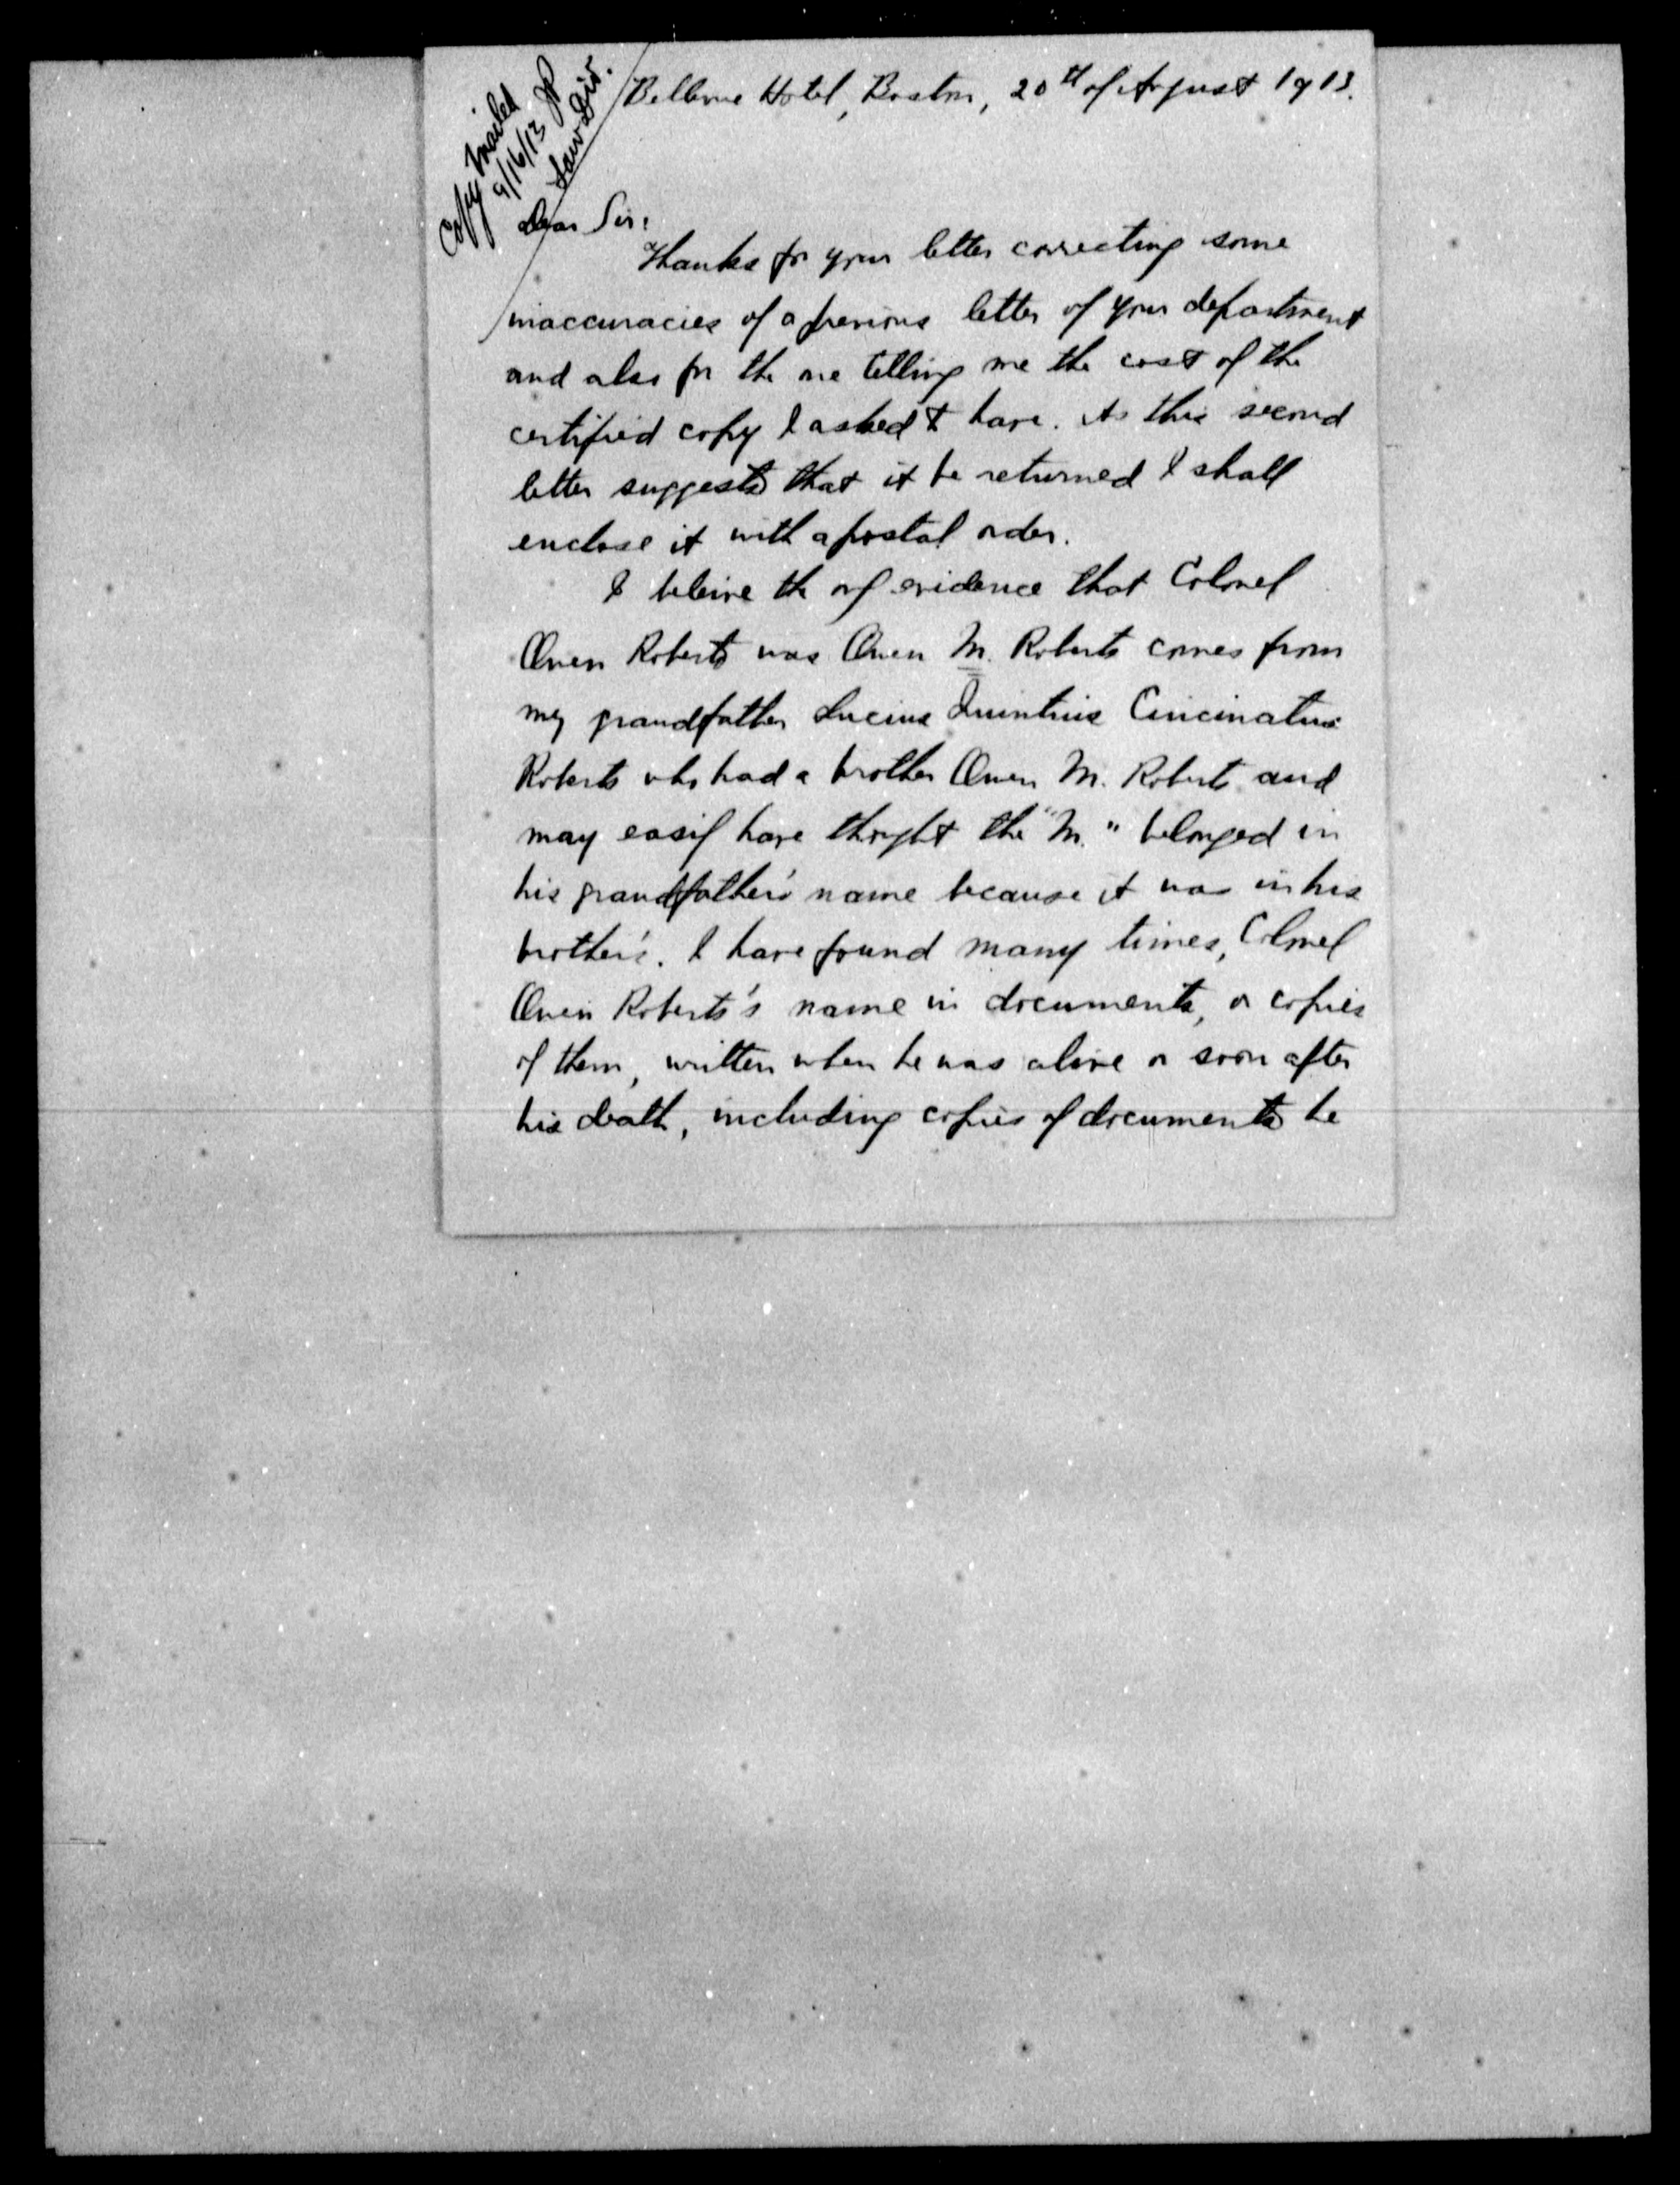Bellevue Hotel, Boston,  20th of August 1913.

Dear Sir:

Thanks for your letter correcting some 
inaccuracies of a previous letter of your department
and also for the one telling me the cost of the 
certified copy I asked & have.  As this second
letter suggests that it be returned I shall
enclose it with a postal order.

I believe the only[?] evidence that Colonel
Owen Roberts was Owen M. Roberts comes from 
my grandfather Lucius Quintius Cincinnatus
Roberts who had a brother Owen M. Roberts and 
may easily have thought the "M" belonged in 
his grandfather's name because it was in his 
brother's.  I have found many times, Colonel 
Owen Roberts' name in documents, or copies 
of them, written when he was alive or soon after
his death, including copies of documents he 

[note on upper left corner]
copy mailed 
0/16/13 JP
Law Div.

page: 26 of 59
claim: bounty land warrant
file: B.L.Wt. 2359-500, for Owen Roberts, South Carolina